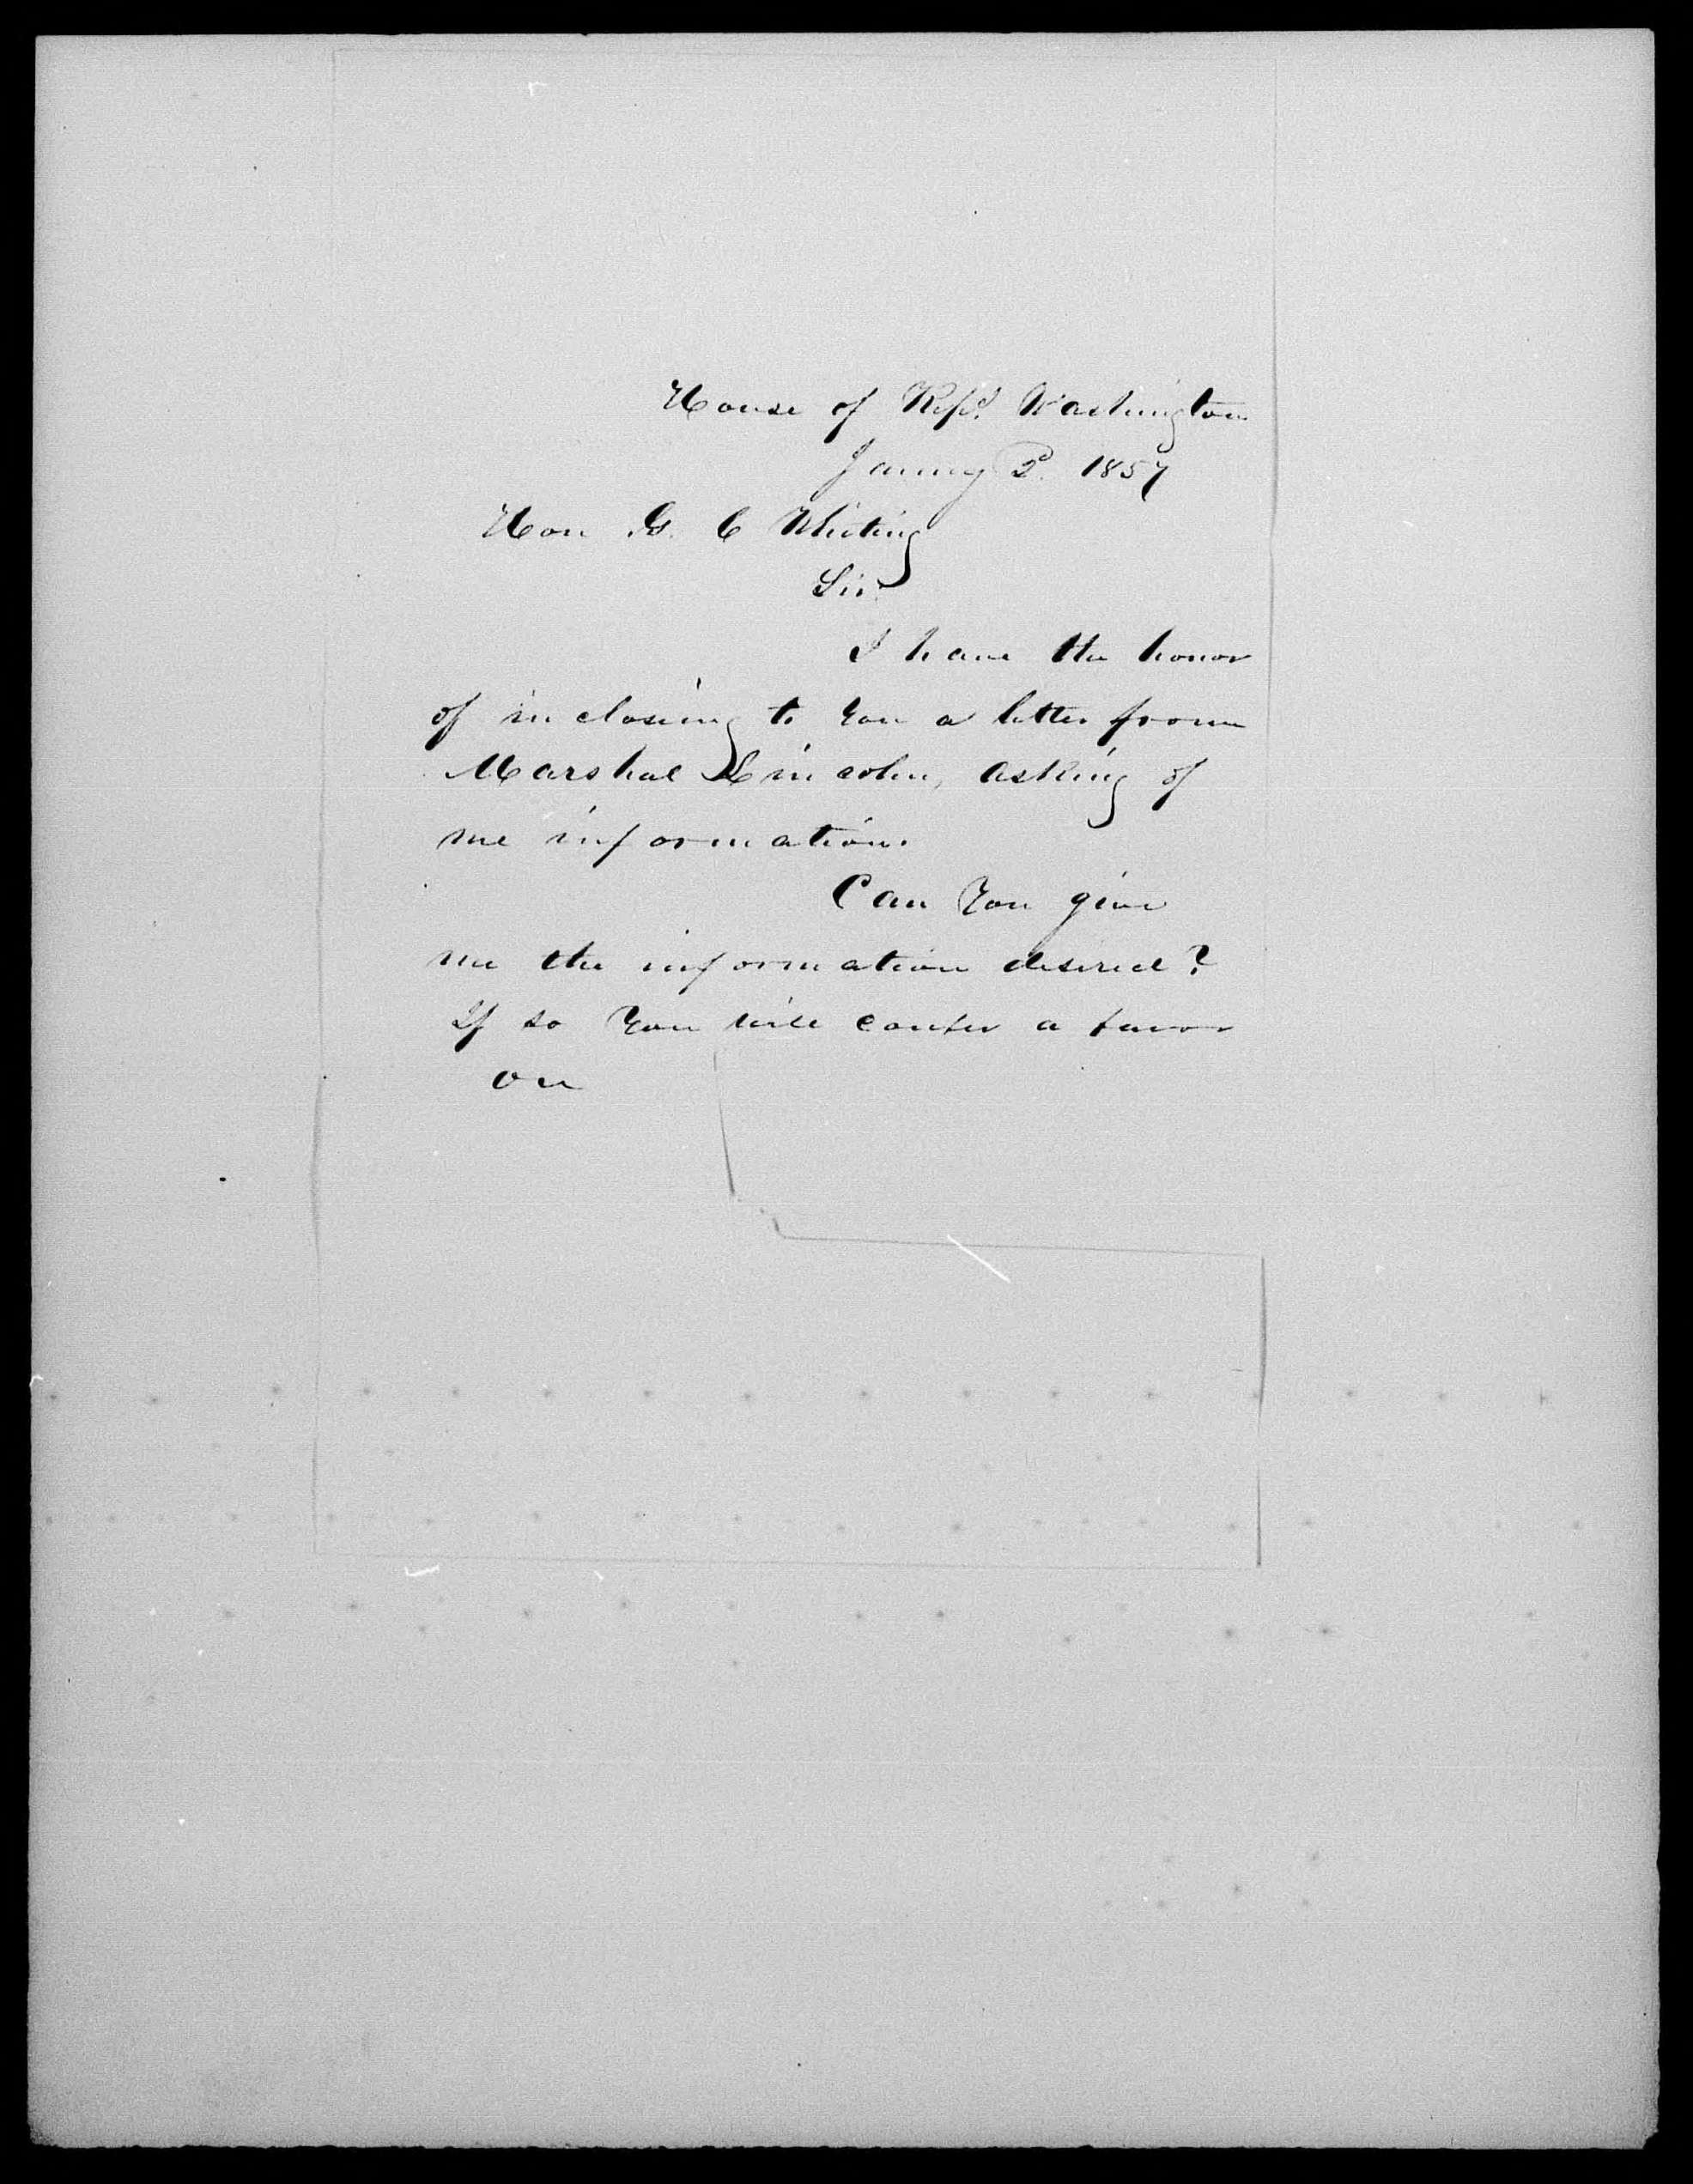House of Representatives Washington
January 2nd 1857

Hon. G.C. Whiting

Sir:

I have the honor of enclosing to you a letter from Marshal Lincoln, asking of some information. 
Can you give me the information desired?
If so you will confer a favor on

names: G C Whiting, Marshal Lincoln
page: 14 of 26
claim: widow's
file: W. 14657, Melzar Dunbar, Mass.